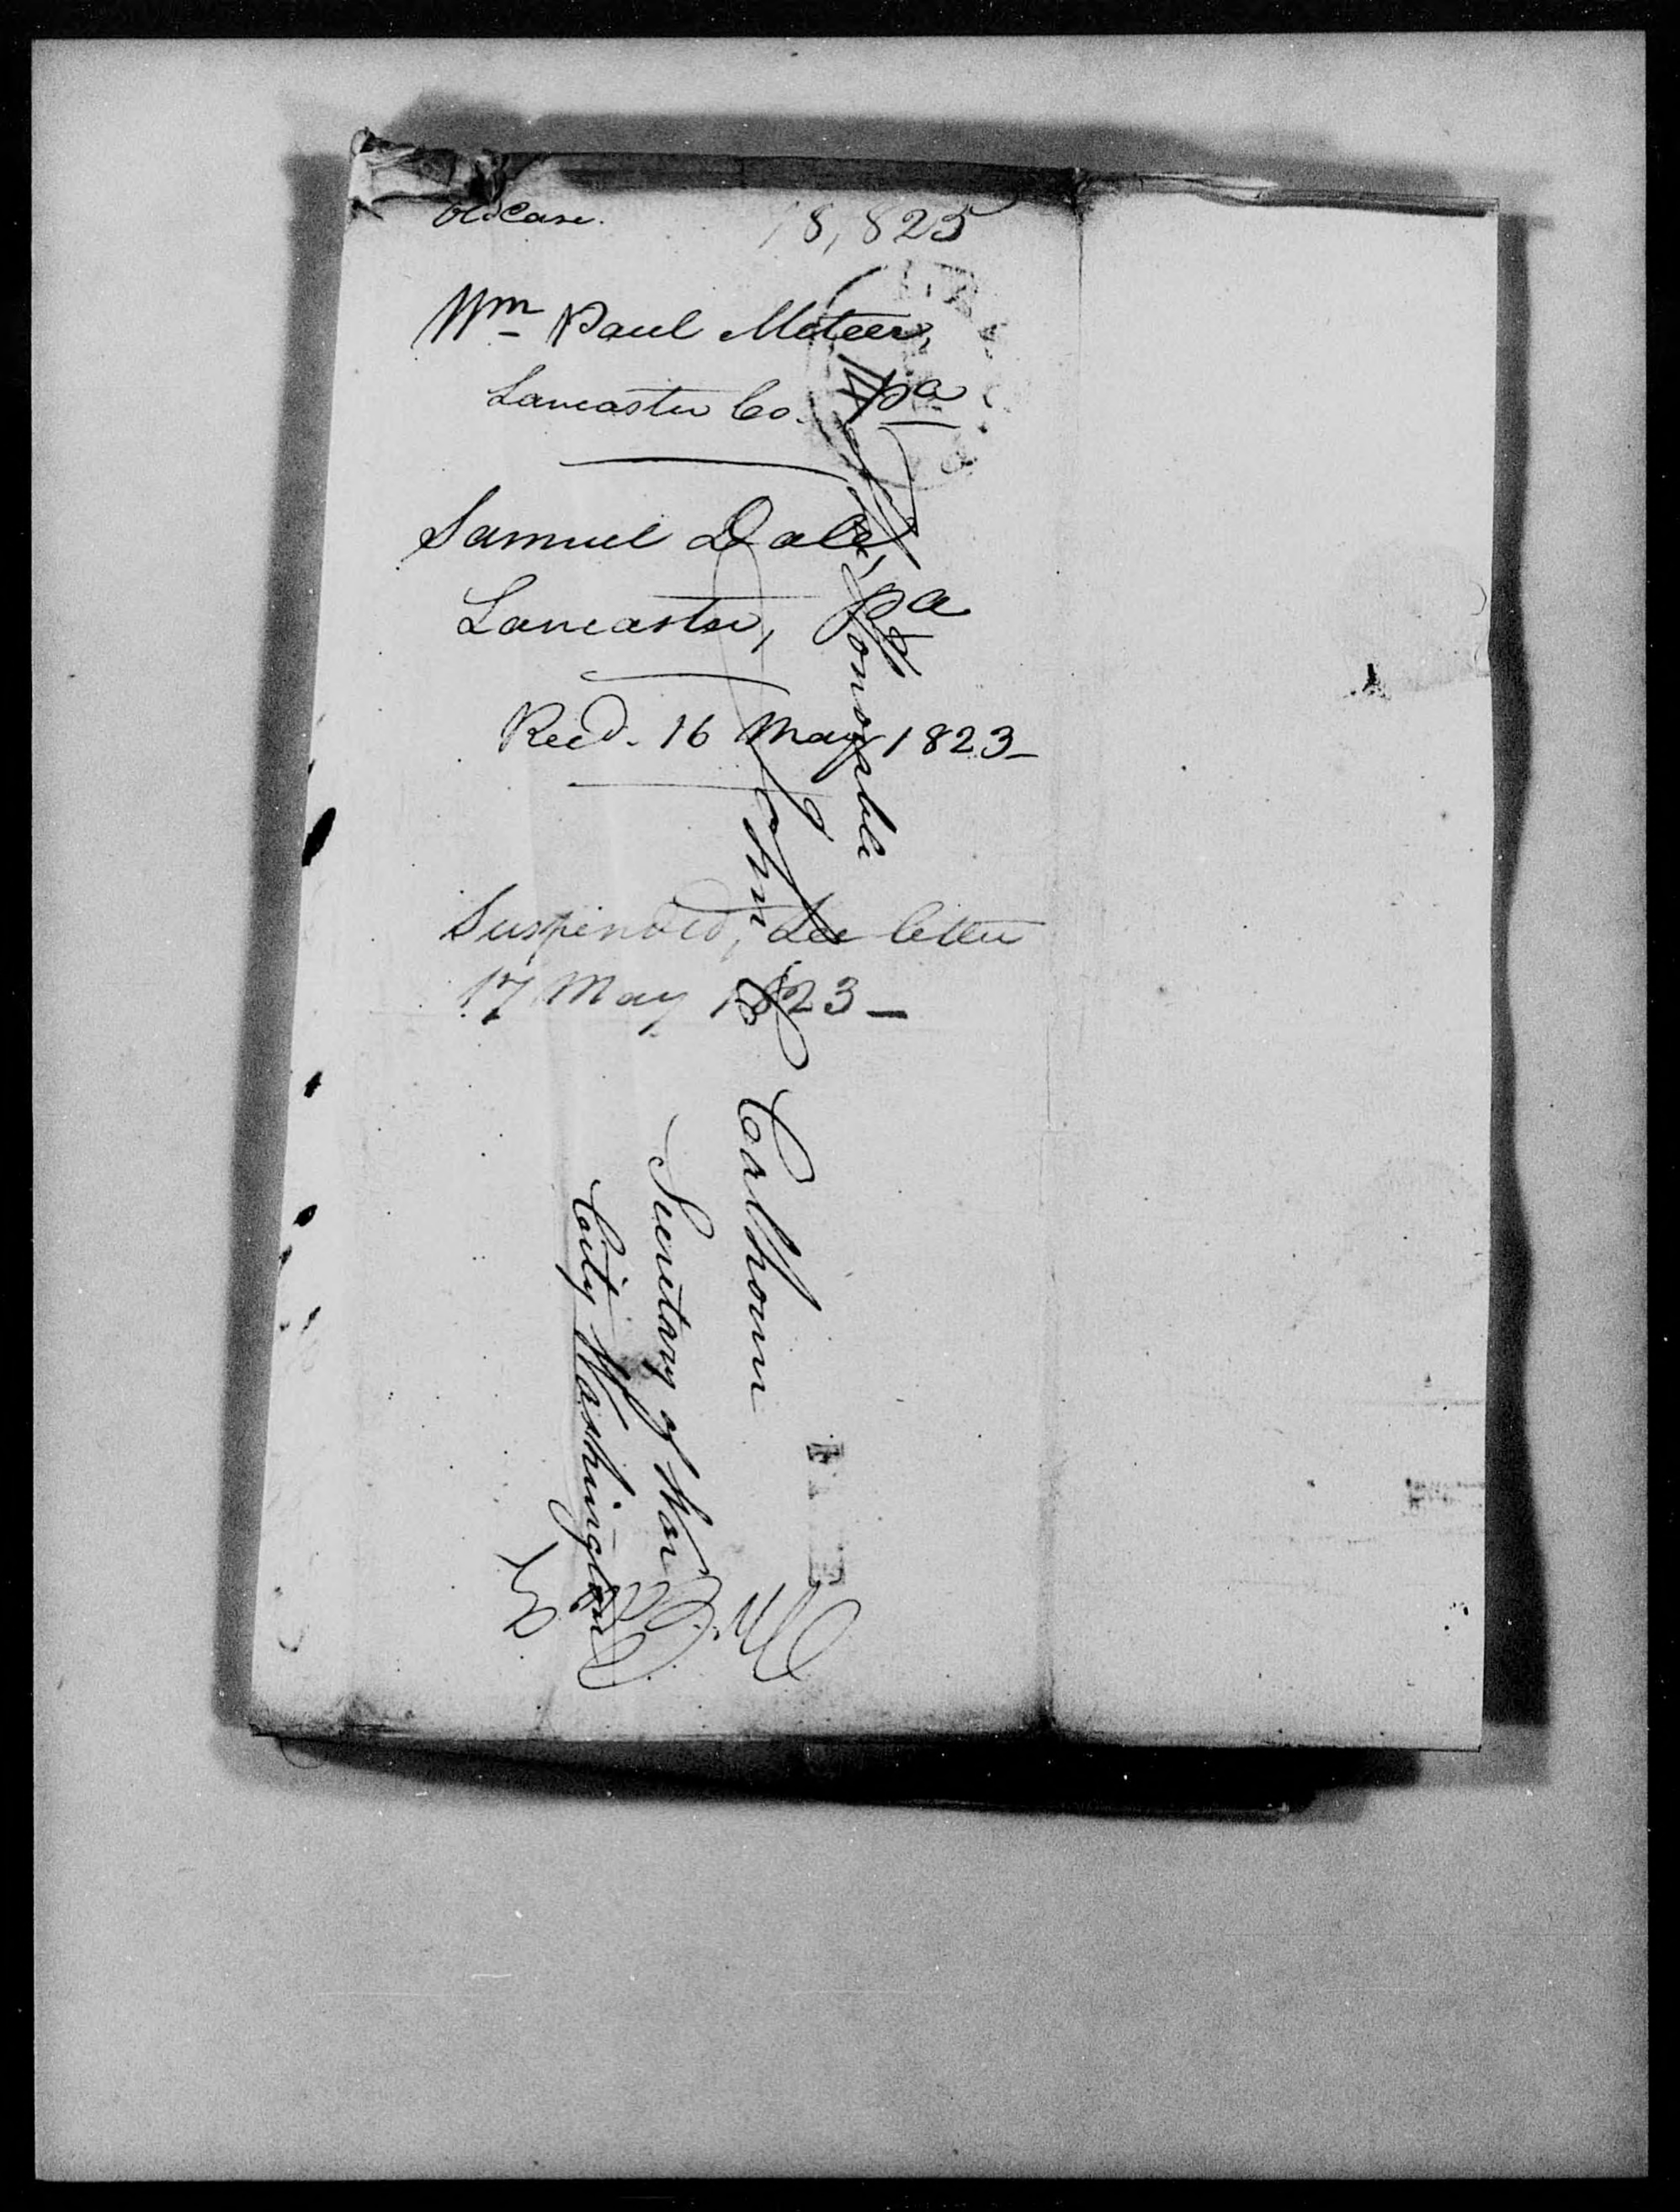(Addressed envelope)

The Honorable
 J.C. Calhoun
Secretary of War
City of Washington

(Handwritten names related to applicant)

Old case               18,825
Wm. Paul Meteer
Lancaster Co. Pa.

Samuel Dale
Lancaster, Pa

Recd. 16 May1823

Suspended, see letter 17 May 1823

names: Samuel Dale; [BLANK] Edwds; Wm Paul Meteer; John C Calhoun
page: 11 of 14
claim: survivor's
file: S. 40242, for William Palmiteer, Pennsylvania